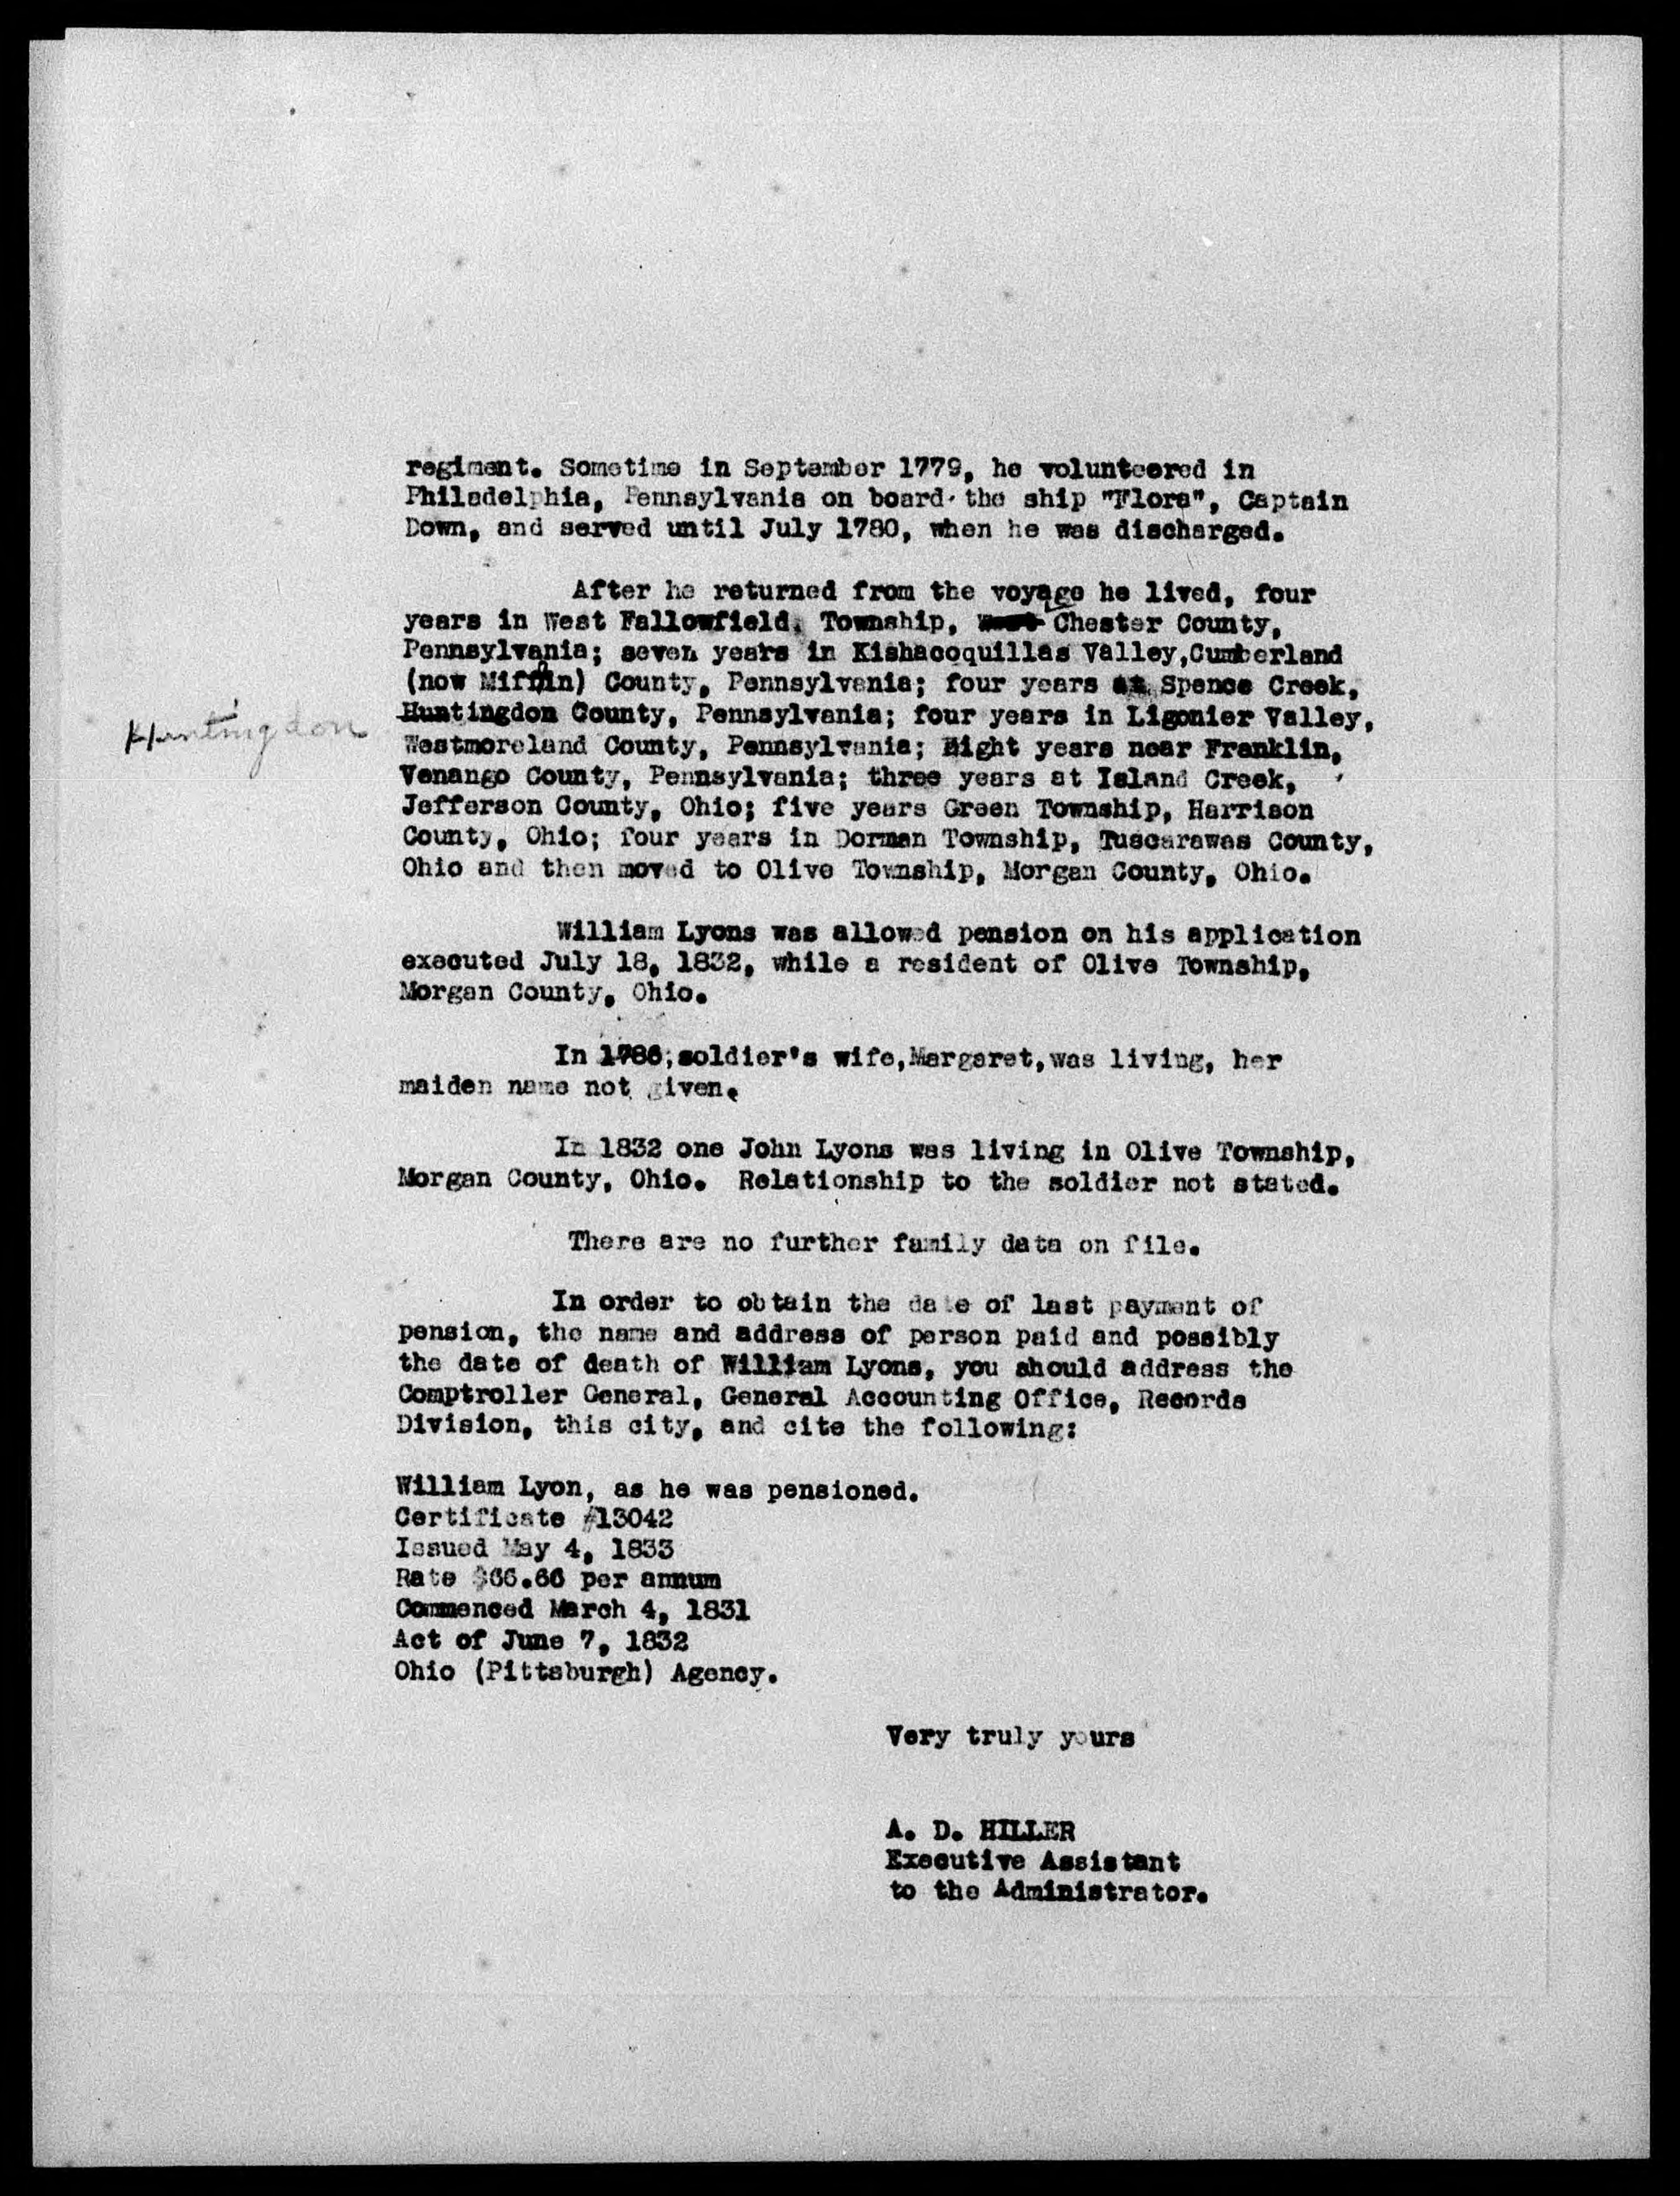regiment. Sometime in September 1779, he volunteered in Philadelphia, Pennsylvania on board the ship "Flora", Captain Down, and served until July 1780, when he was discharged.
After he returned from the voyage he lived, four years in West Fallowfield Township, Chester County, Pennsylvania; seven years in Kishaoquillas Valley Cumberland (now Mifflin) county Pennsylvania: four years at Spence Creek, Huntingdon county, Pennsylvani: four years in Ligonier Valley, Westmoreland County, Pennsylvania; Hight years near Franklin, Venango county, Pennsylvania; three years at Island Creek, Jefferson County, Ohip; five years Green Township, Harrison County, Ohio; four years in Dorman Township, Tuscarawas county, Ohio and then moved to Olive Township, Morgan County, Ohio.
William Lyons was allowed pension on his application executed July 18, 1832, whild a resident of Olive Township, Morgan county, Ohio. In 1766, soldier's wife, Margaret, was living, her maiden name not given. in 1832 one John Lyons was living in Olive Township, Morgan County, Ohio. Relationship to the soldier not state. There are no further family data on file. 
In order to obtain the date of last payment of pension, the name and address of person paid and possibly the date of death of William Lyons, you should address the Comptroller General, General Accounting Office, Records Division, this city, and cite the following:
William Lyon, as he was pensioned
Certificate #13042
Issued May 4, 1833
Rate $66.66 per annum
Commenced March 4, 1831 
Act of June 7, 1832
Ohio (Pittsburgh) Agency
Very truly yours
A.D. Hiller 
Executive Assistant to the Administrator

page: 16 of 41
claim: survivor's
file: S. 4585, for William Lyons, Pennsylvania